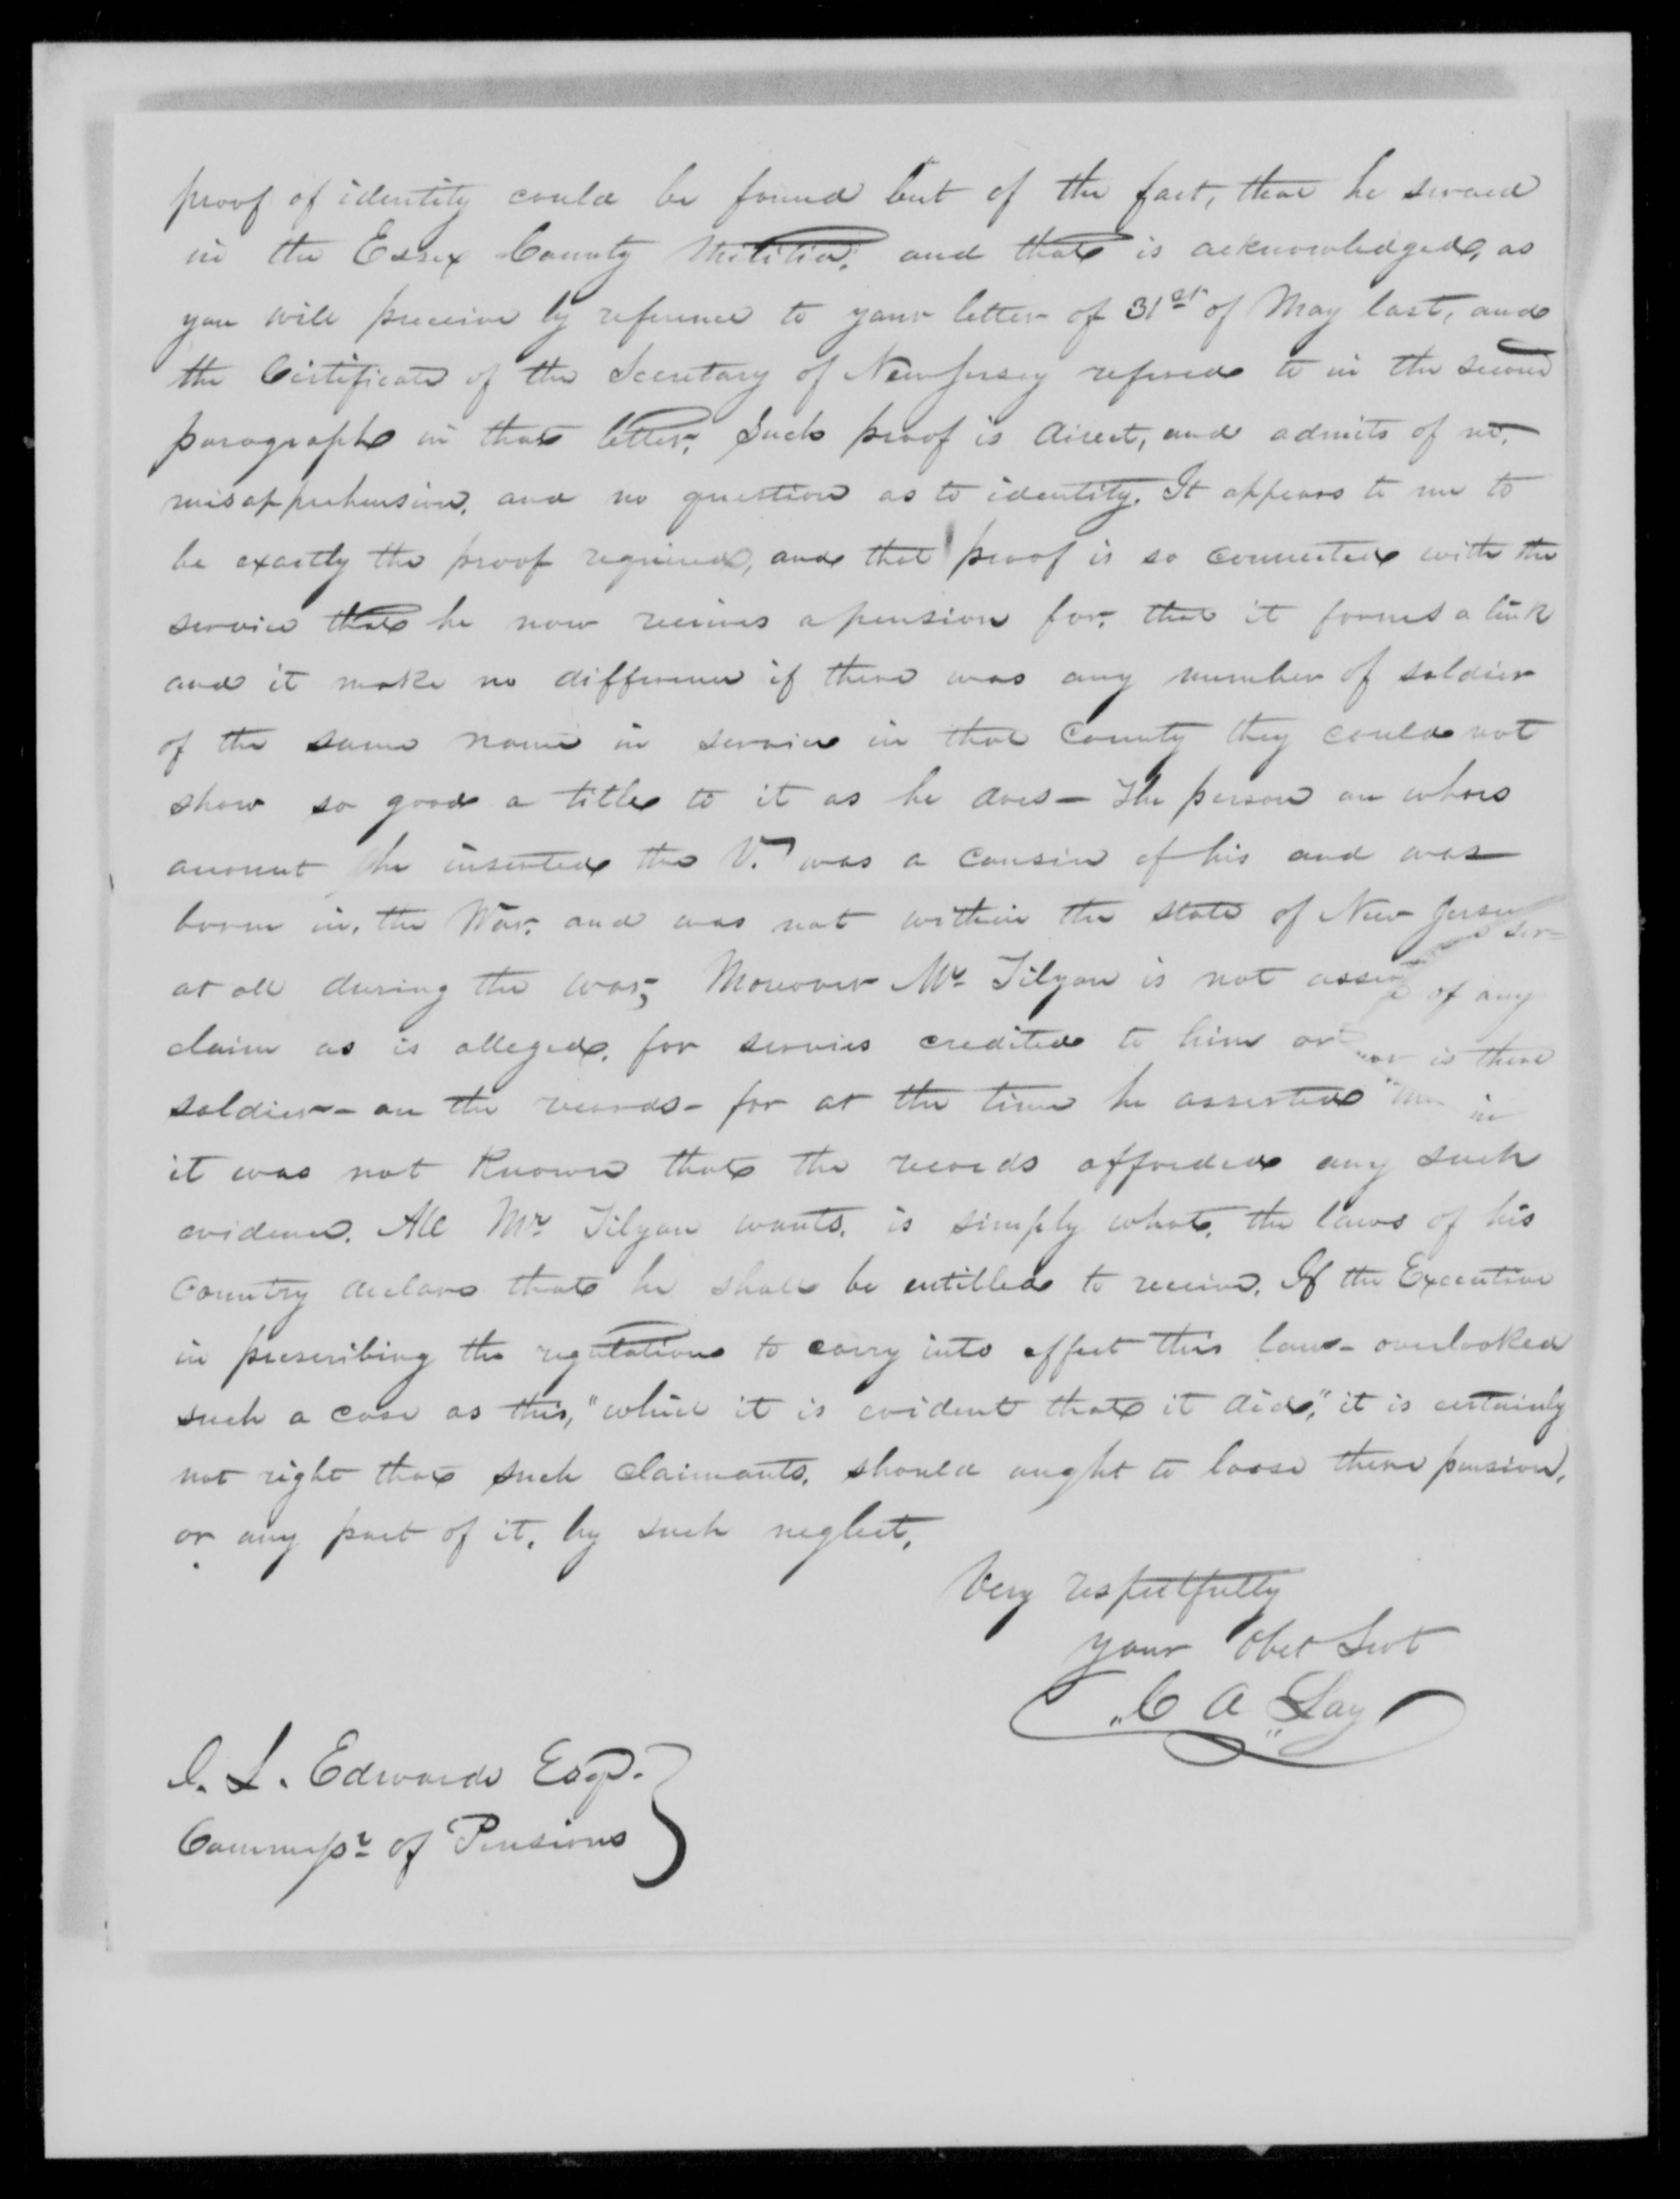proof of identity could be found but of the fact, that he said
in the Essex County Militia and that is acknowledged, as
you will receive by reference to your letter of 31st of May last, and
the Certificate of the Secretary of New Jersey refered to in the second
paragraph in that letter. Such proof is direct, and admit of no
misapprehension, and no question as to identity. It appears to me to
be exactly the proof required, and that proof is so connected with the
service that he now receives a pension for that it forms a link
and it make no difference if there was any number of soldier
of the same name in service in that county they could not
show so good a title to it as he does-- The person in whose
amount he inserted the V. was a consin of his and was
burn in the War and was not within the State of New Jersey
at all during the war; Monover Mr Gilman is not assig of my
claim as is alleged for service credited to him or
soldier on the boards, for at the time he assisted
it was not known that the records afforded any such
evidence. All Mr Tilyan wants is simply what the laws of his
country declare that he shall be entitled to received. If the Executive
in prescribing the regitations to carry into effect this laws-- overlooked
such a case as this, "which it is evident that it did, it is certainly
not right that such claimants, should ought to loose them pension.
or any part of it, by such right.
Very respectfully
Your Obet Set
A Lay
I, &
Com
Edwards Esq.
ness of Pensions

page: 27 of 101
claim: widow's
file: W. 25481, for Peter V Tilyou, New Jersey